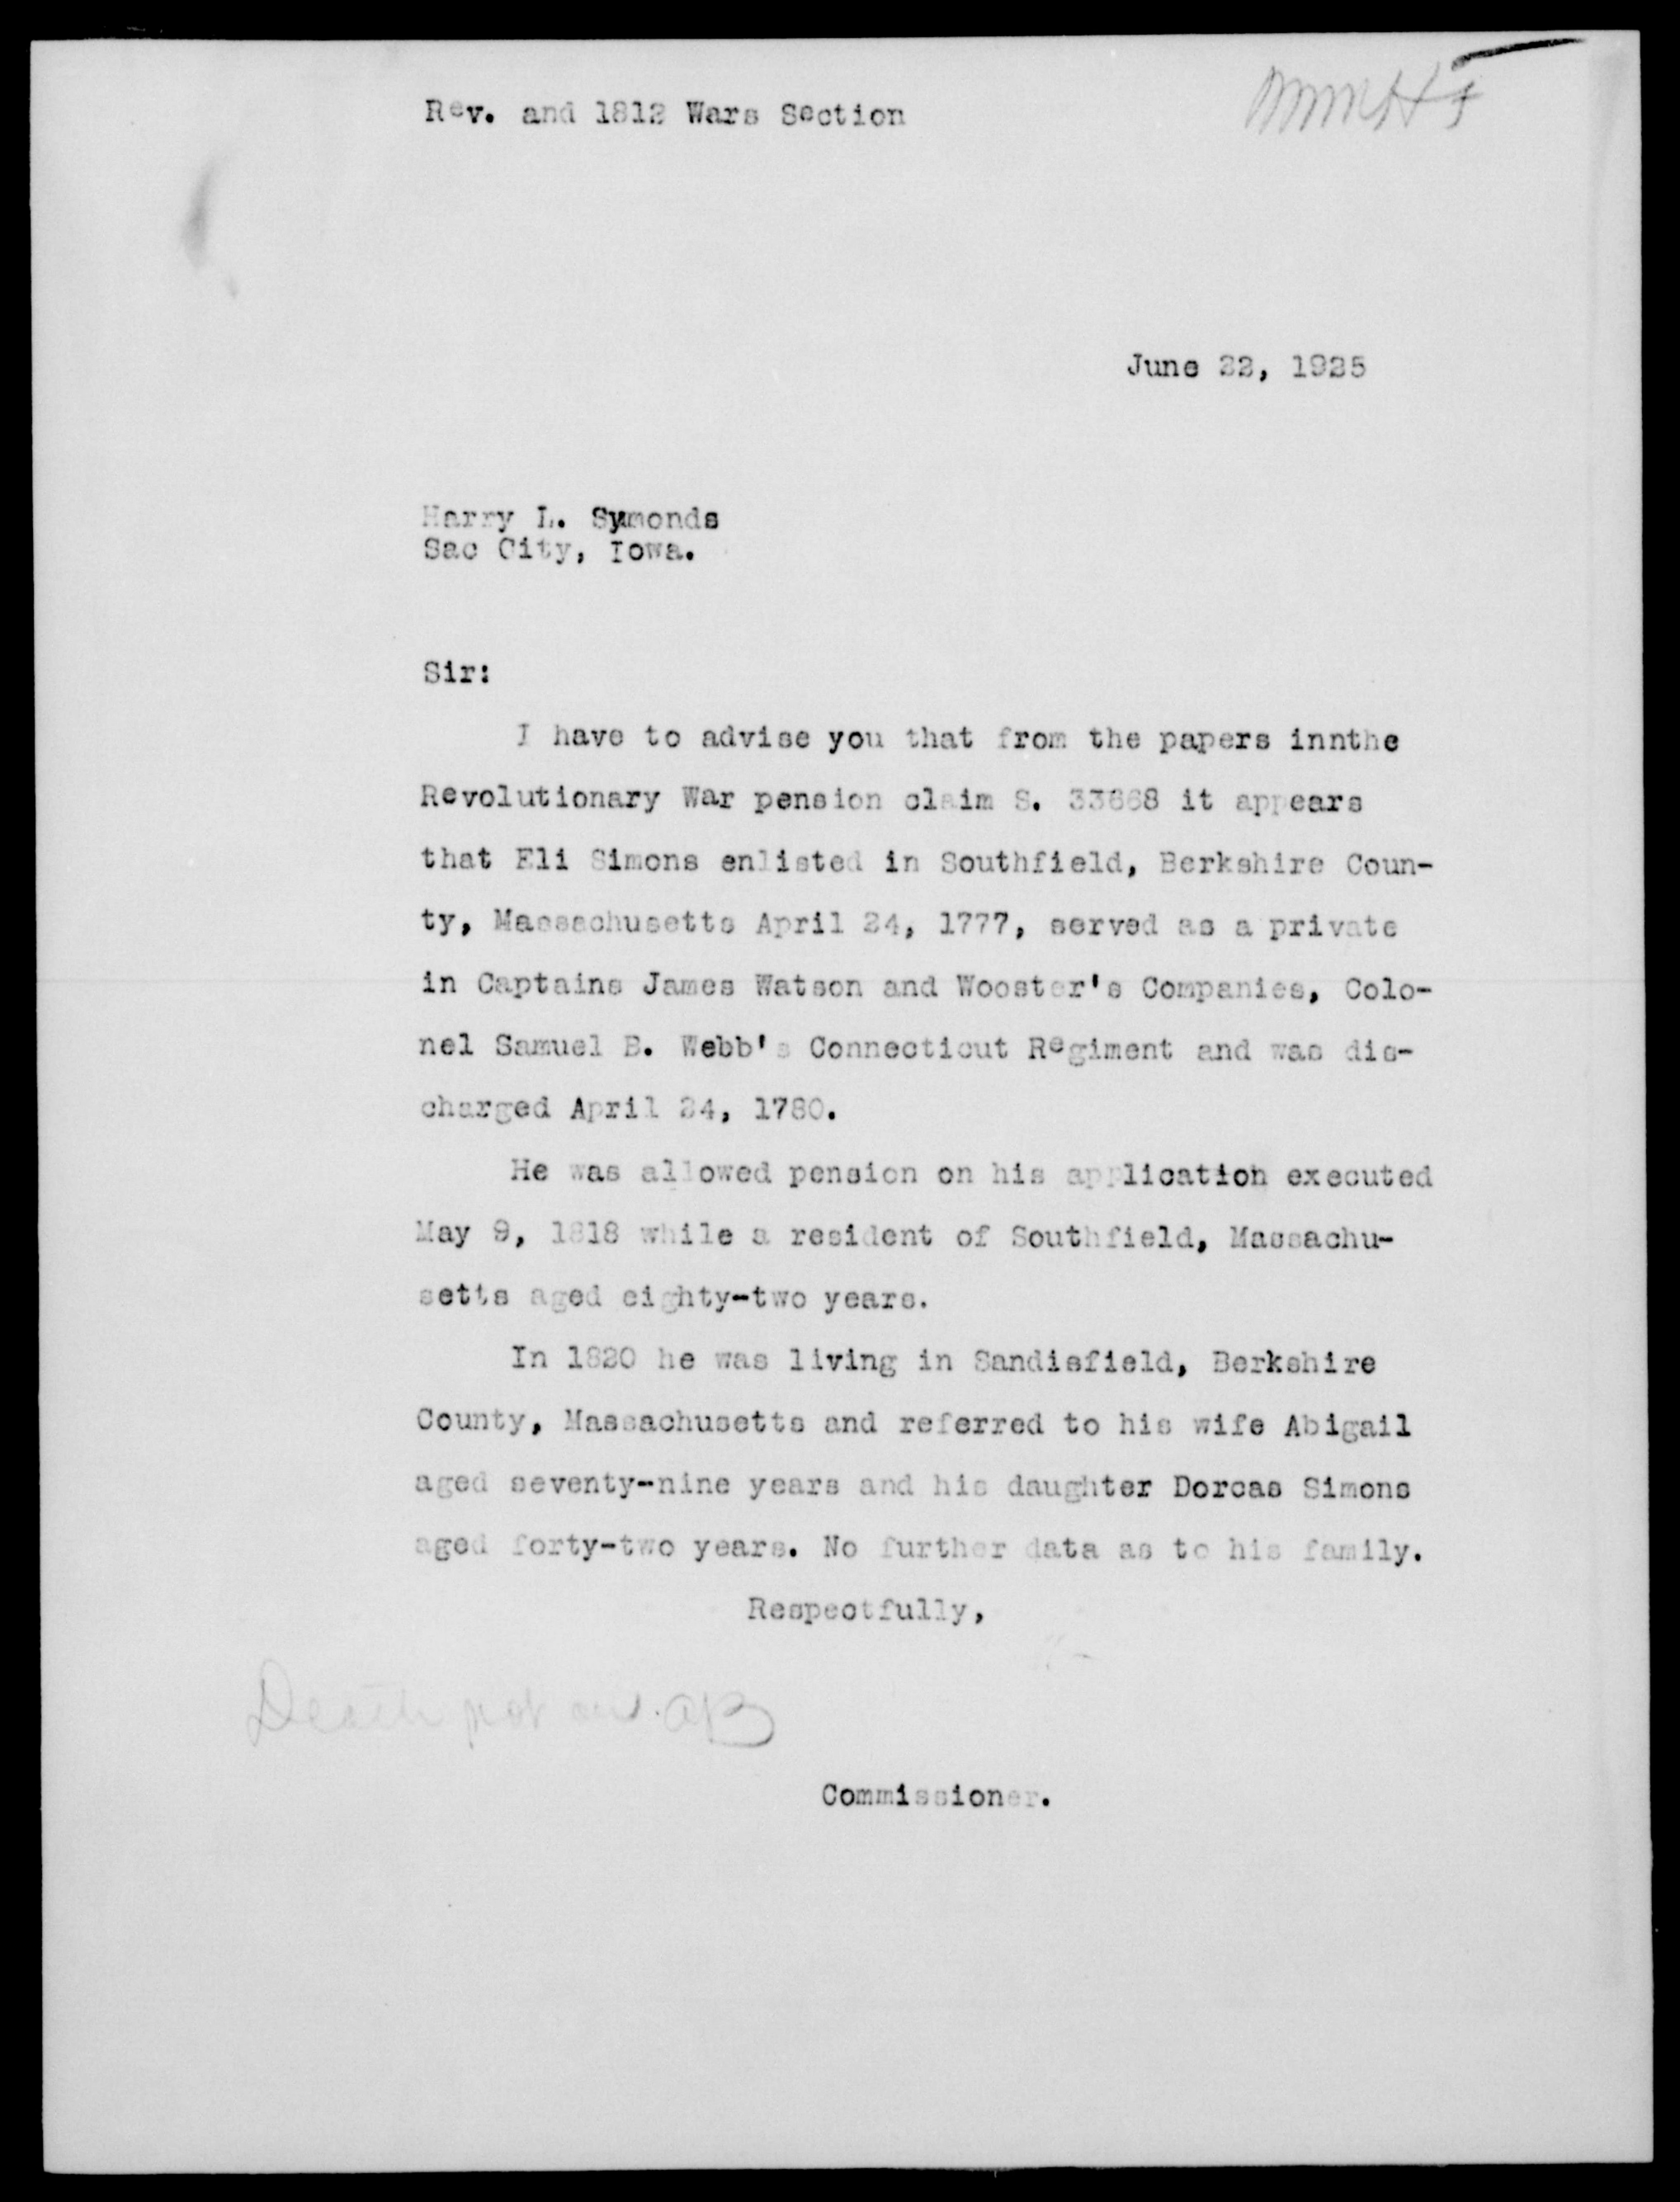Rev. and 1812 Wars Section MMHF

June 22, 1925

Harry L. Symonds
Sac City, Iowa.
Sir:
I have to advise you that from the papers innthe Revolutionary War pension claim S. 33668 it appears that Eli Simons enlisted in Southfield, Berkshire County, Massachusetts April 24, 1777, served as a private in Captains James Watson and Wooster's Companies, Colonel Samuel B. Webb's Connecticut Regiment and was discharged April 24, 1780.
He was allowed pension on his application executed May 9, 1818 while a resident of Southfield, Massachusetts aged eighty-two years.
In 1820 he was living in Sandisfield, Berkshire County, Massachusetts and referred to his wife Abigail aged seventy-nine years and his daughter Dorcas Simons aged forty-two years. No further data as to his family.
Respectfully,
Commissioner.

Death not [illegible] AB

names: Dorcas Simons; Eli Simons; Abigail [BLANK]; Harry L Symonds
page: 15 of 20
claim: survivor's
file: S 33668, for Eli Simons, Connecticut